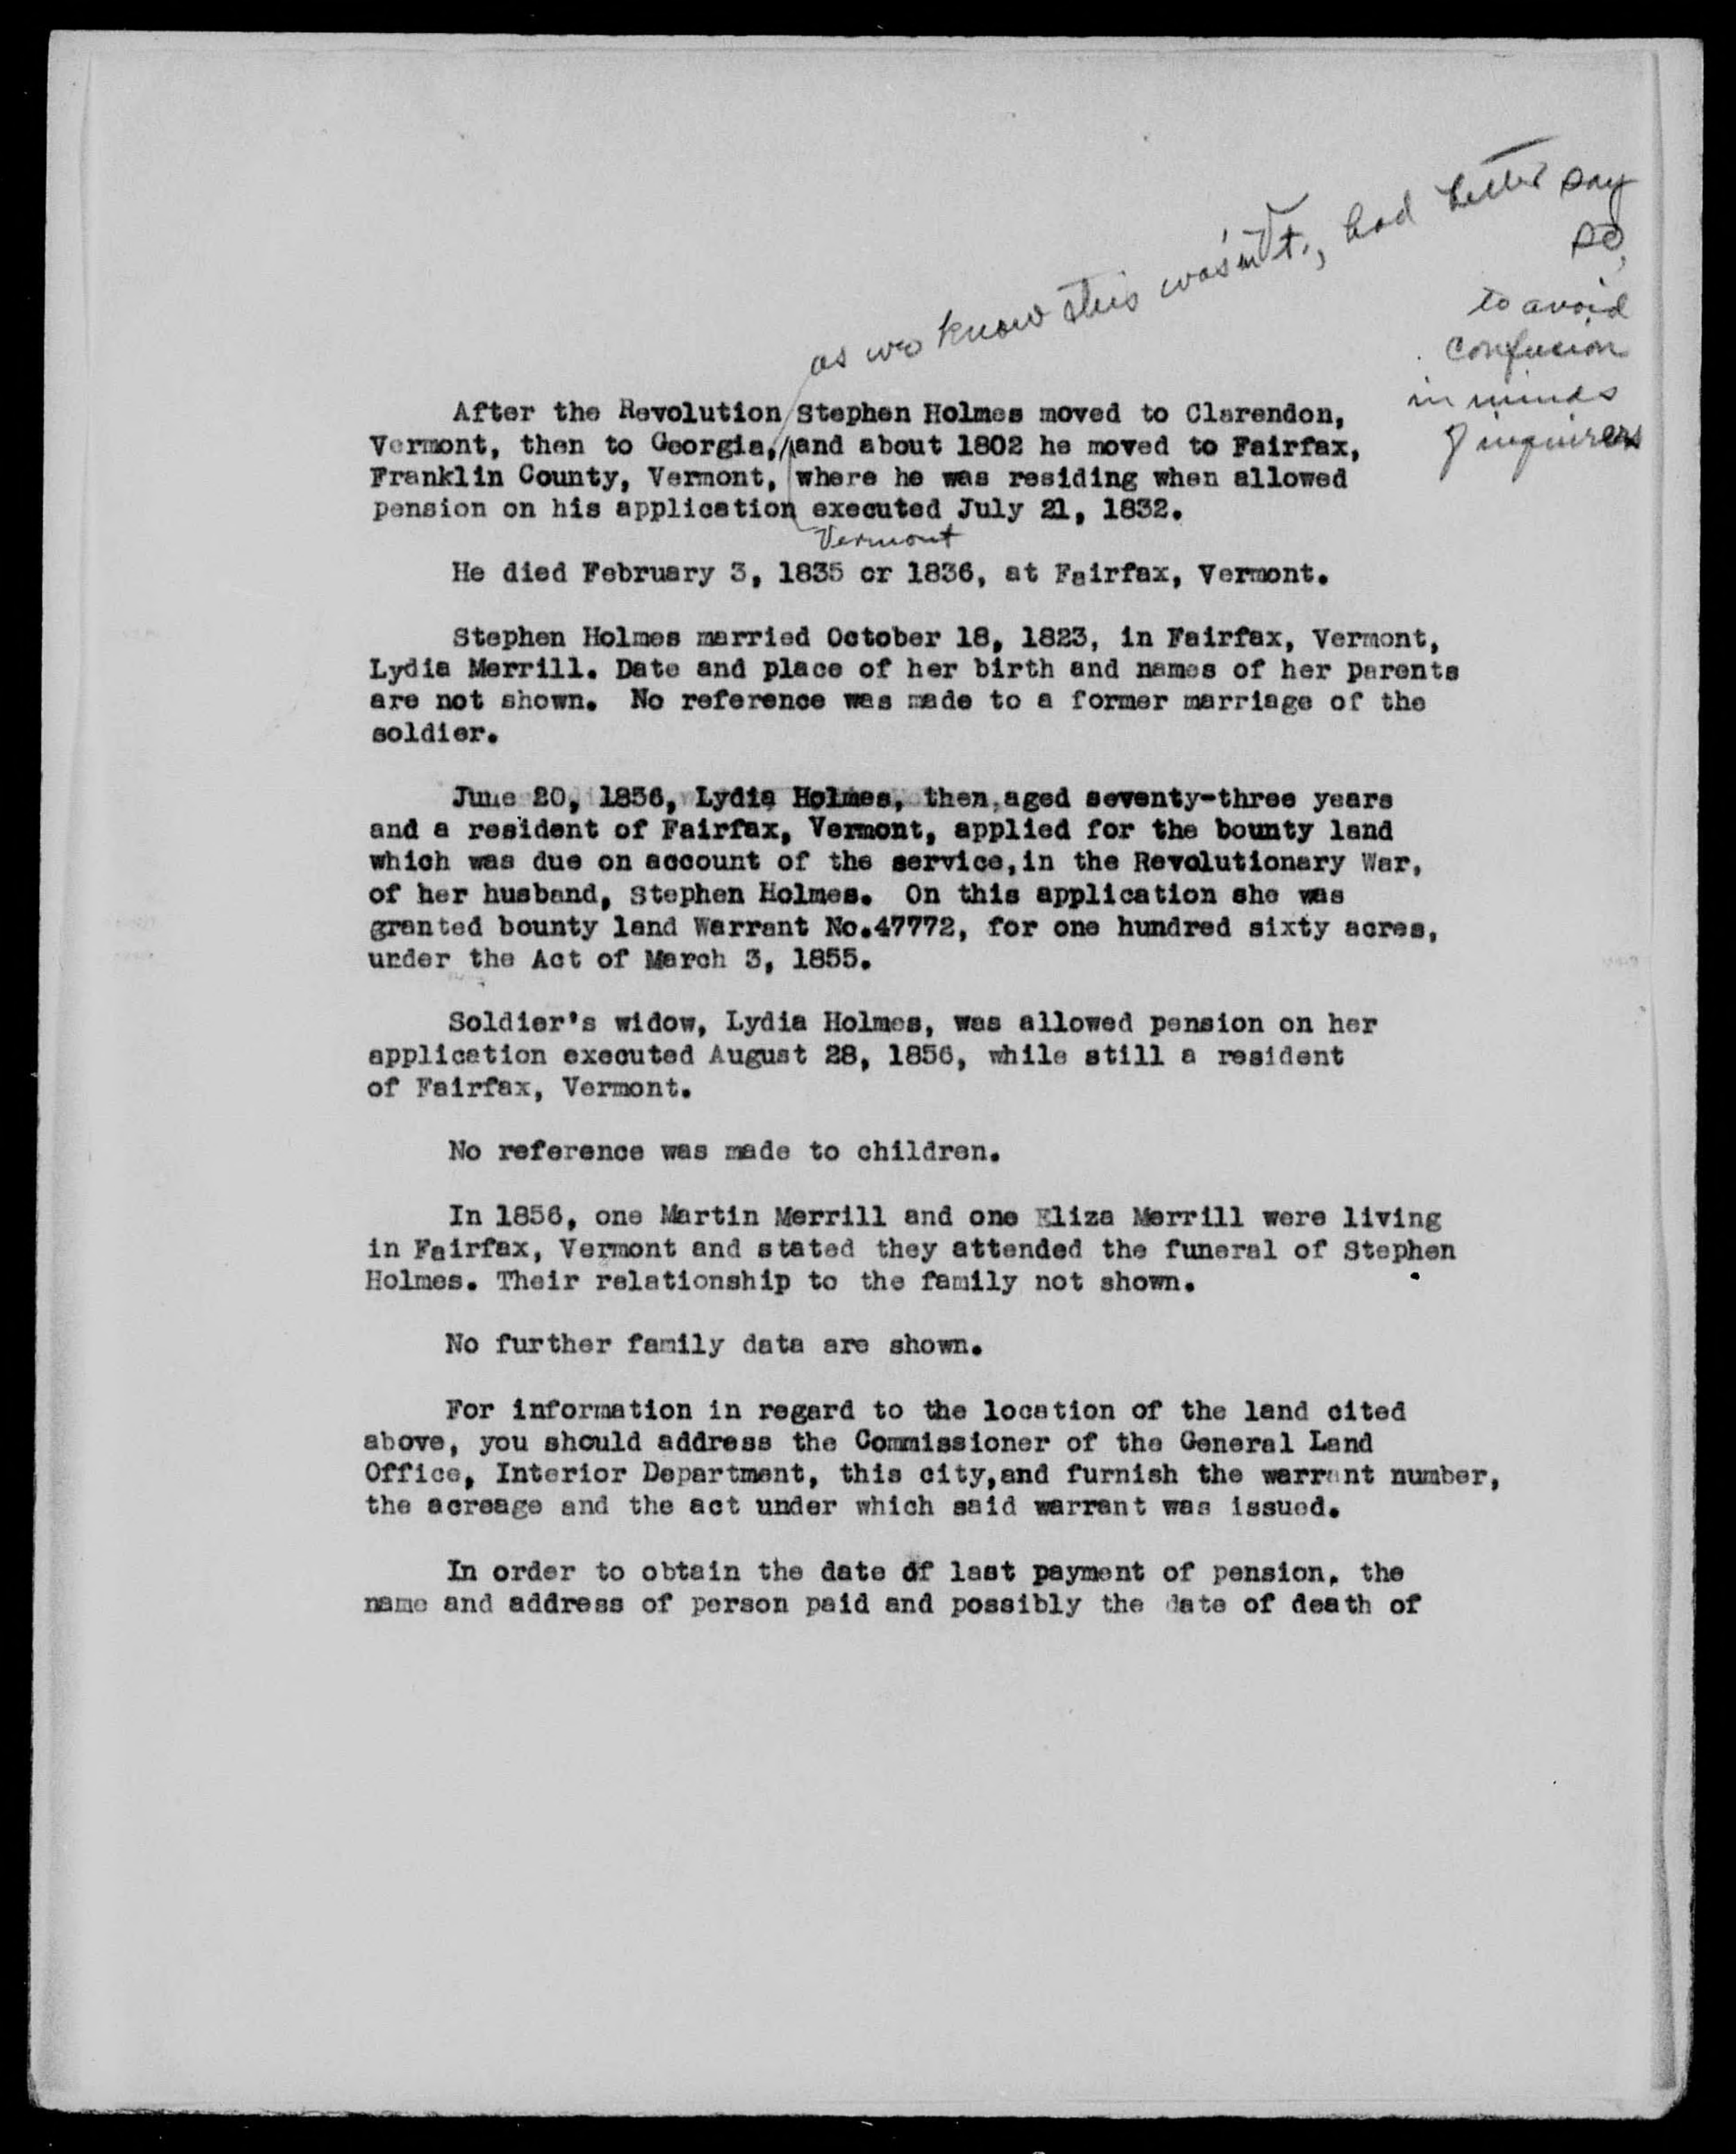After the Revolution Stephen Holmes moved to Clarendon, Vermont, then to Georgia, ^Vermont [handwritten "as we know this was in Vt., had better pay pa, to avoid confusion in [illegible] inquirers] and about 1802 he moved to Fairfax, Franklin County, Vermont, where he was residing when allowed pension on his application executed July 21, 1832.

He died February 3, 1835 or 1836, at Fairfax, Vermont.

Stephen Holmes married October 18, 1823, in Fairfax, Vermont, Lydia Merrill. Date and place of her birth and names of her parents are not shown. No reference was made to a former marriage of the soldier.

June 20, 1856, Lydia Holmes, then aged seventy-three years and a resident of Fairfax, Vermont, applied for the bounty land which was due on account of the service, in the Revolutionary War, of her husband, Stephen Holmes. On this application she was granted bounty land Warrant No. 47772, for one hundred sixty acres, under the Act of March 3, 1855.

Soldier's widow, Lydia Holmes, was allowed pension on her application executed August 28, 1856, while still a resident of Fairfax, Vermont.

No reference is made to children.

In 1856, on Martin Merrill and one Eliza Merrill were living in Fairfax, Vermont and stated they attended the funeral of Stephen Holmes. Their relationship to the family not shown.

No further family data are shown.

For information in regard to the location of the land cited above, you should address the Commissioner of the General Land Office, Interior Department, this city, and furnish the warrant number, the acreage and the act under which said warrant was issued.

In order to obtain the date of last payment of pension, the name and address of person paid and possibly the date of death of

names: Stephen Holmes, Lydia Merrill, Stephen Holmes, Stephen Holmes, Lydia Holmes, Lydia Holmes, Martin Merrill, Stephen Holmes, Eliza Merrill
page: 23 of 72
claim: widow's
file: W. 7771, Stephen Holmes, Vt.